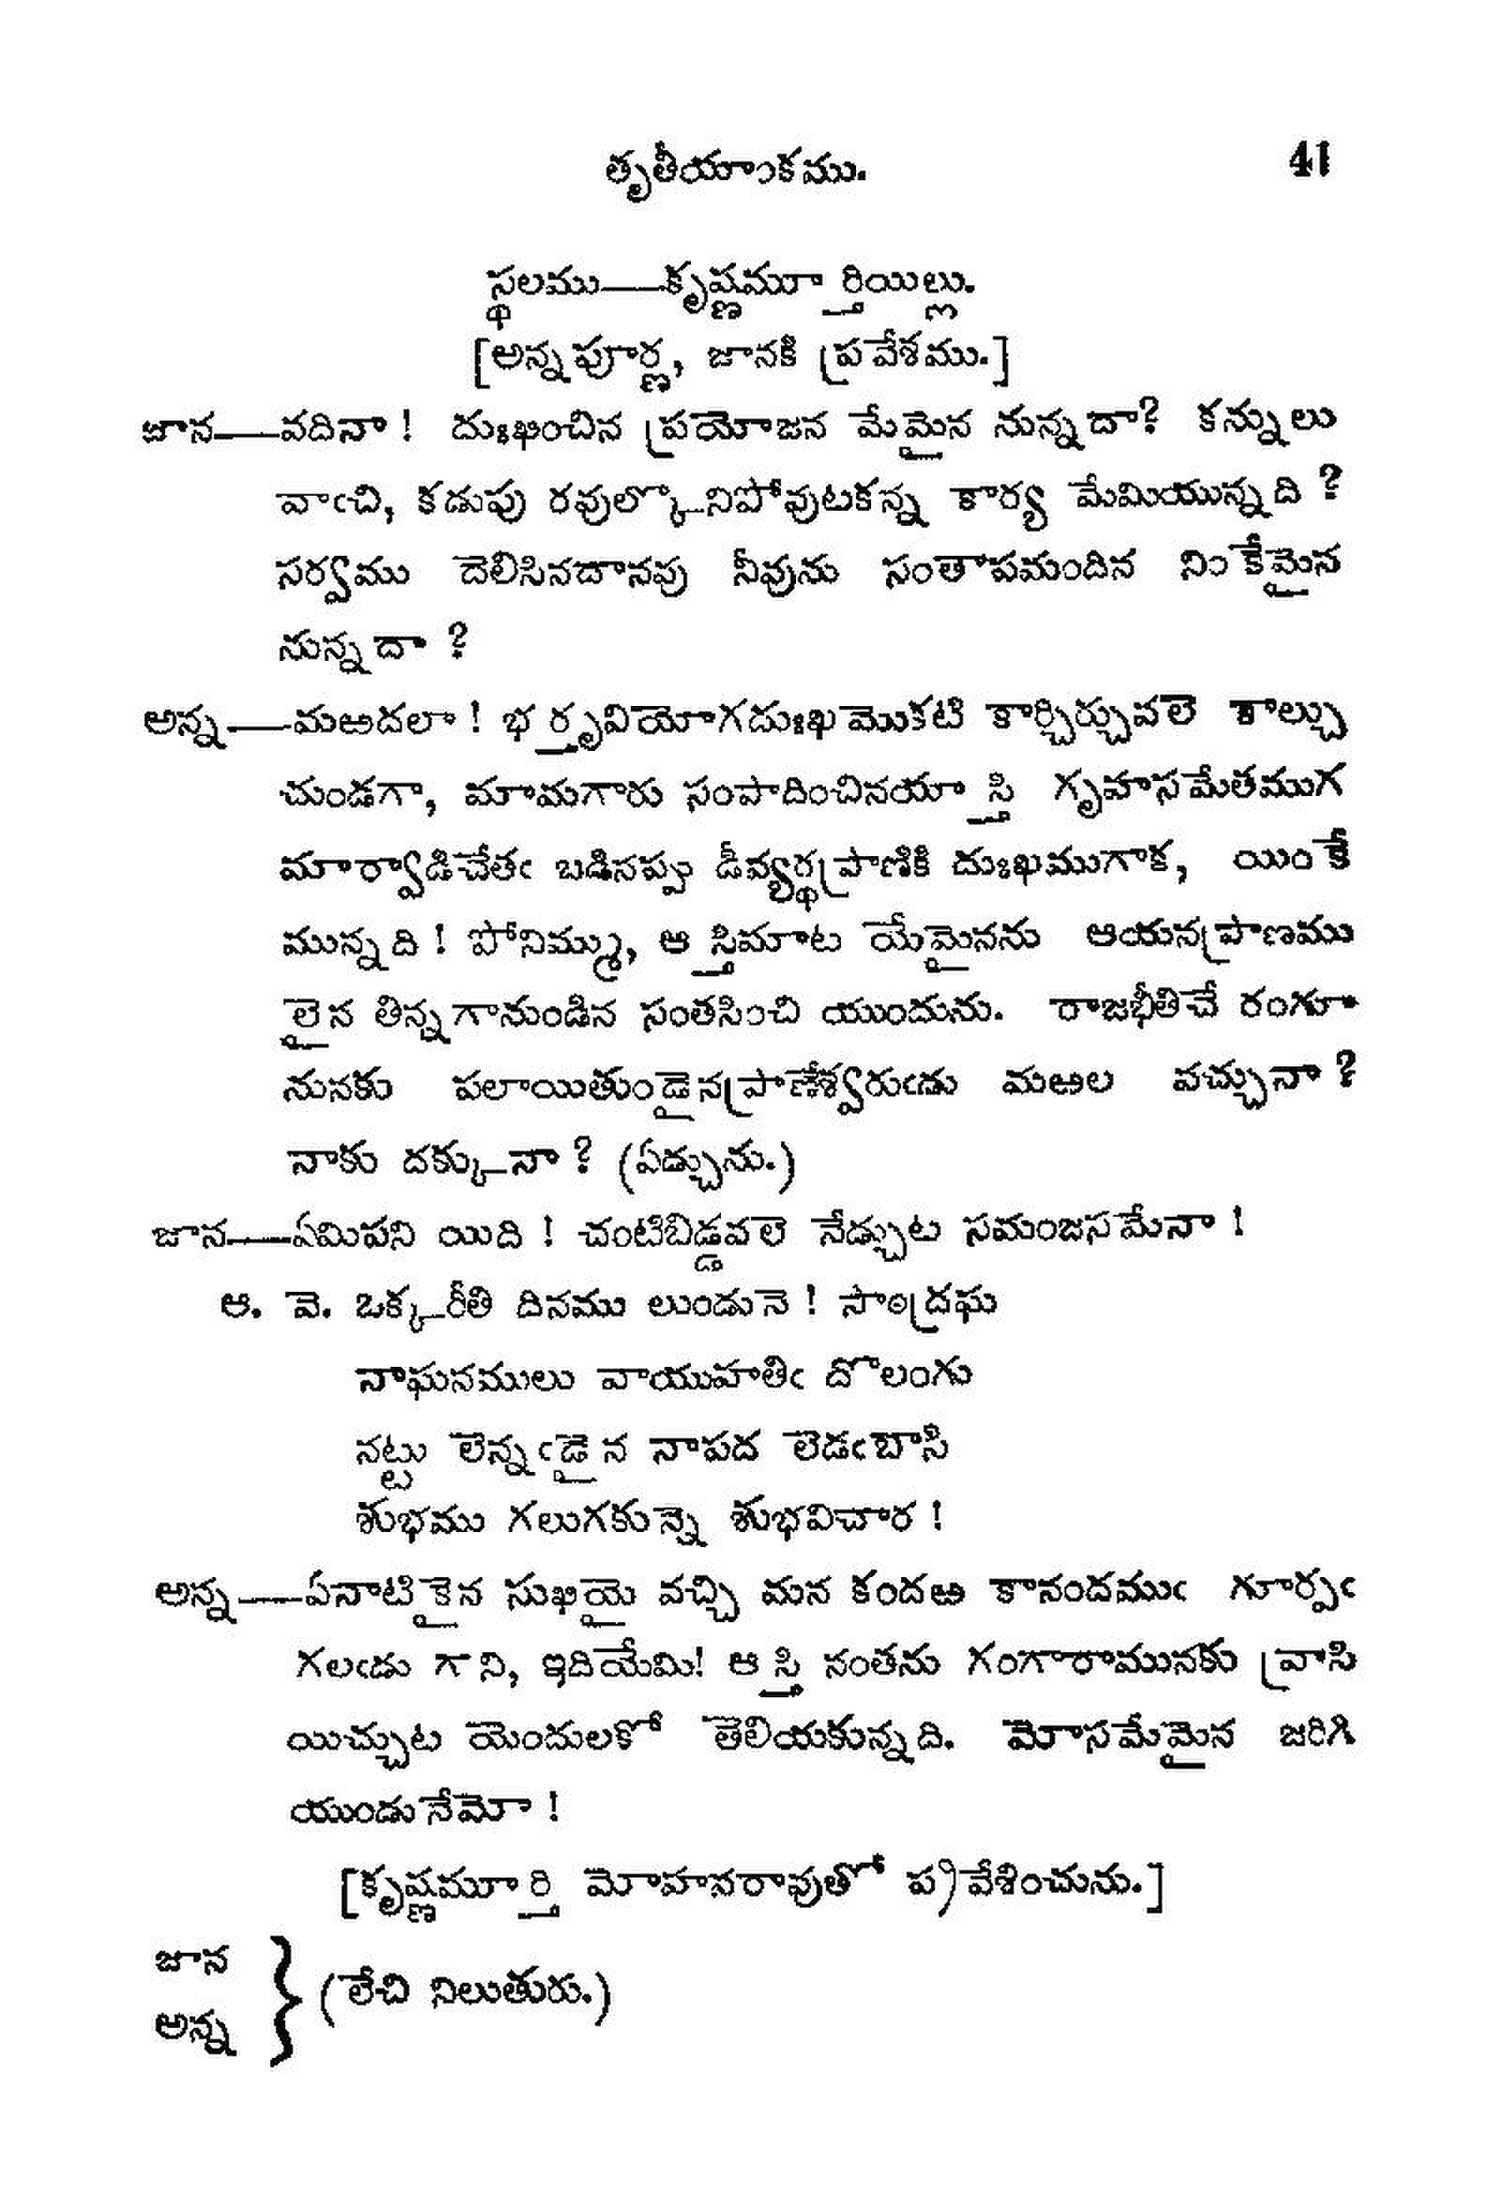జాన - వదినా ! దుఃఖించిన ప్రయోజన మేమైన నున్నదా? కన్నులు వాఁచి, కడుపు రవుల్కొని పోవుటకన్న కార్య మేమియున్నది ? సర్వము దెలిసినదానవు నీవును సంతాపమందిన నింకేమైన
నున్నదా?

అన్న - మఱదలా ! భర్తృవియోగదుఃఖమొకటి కార్చిర్చువలె కాల్చు చుండగా, మామగారు సంపాదించినయాస్తి గృహసమేతముగ మార్వాడిచేతఁ బడినప్పు డీవ్యర్థప్రాణికి దుఃఖముగాక, యింకేమున్నది ! పోనిమ్ము, ఆస్తిమాట యేమైనను ఆయనప్రాణములైన తిన్నగానుండిన సంతసించి యుందును. రాజభీతిచే రంగూనునకు పలాయితుండైనప్రాణేశ్వరుఁడు మఱల వచ్చునా ? నాకు దక్కునా ? (ఏడ్చును.)

జాన - ఏమిపని యిది ! చంటిబిడ్డవలె నేడ్చుట సమంజసమేనా !

ఆ. వె. ఒక్క రీతి దినము లుండునె! సాంద్రఘ
 నాఘనములు వాయుహతిఁ దొలంగు
 నట్టు లెన్నఁడైన నాపద లెడఁబాసి
 శుభము గలుగకున్నె శుభవిచార !
అన్న - ఏనాటికైన సుఖియై వచ్చి మన కందఱ కానందముఁ గూర్పఁగలఁడు గాని, ఇదియేమి! ఆస్తి నంతను గంగారామునకు వ్రాసి యిచ్చుట యెందులకో తెలియకున్నది. మోసమేమైన జరిగి
యుండునేమో!

జాన - అన్న - (లేచి నిలుతురు)